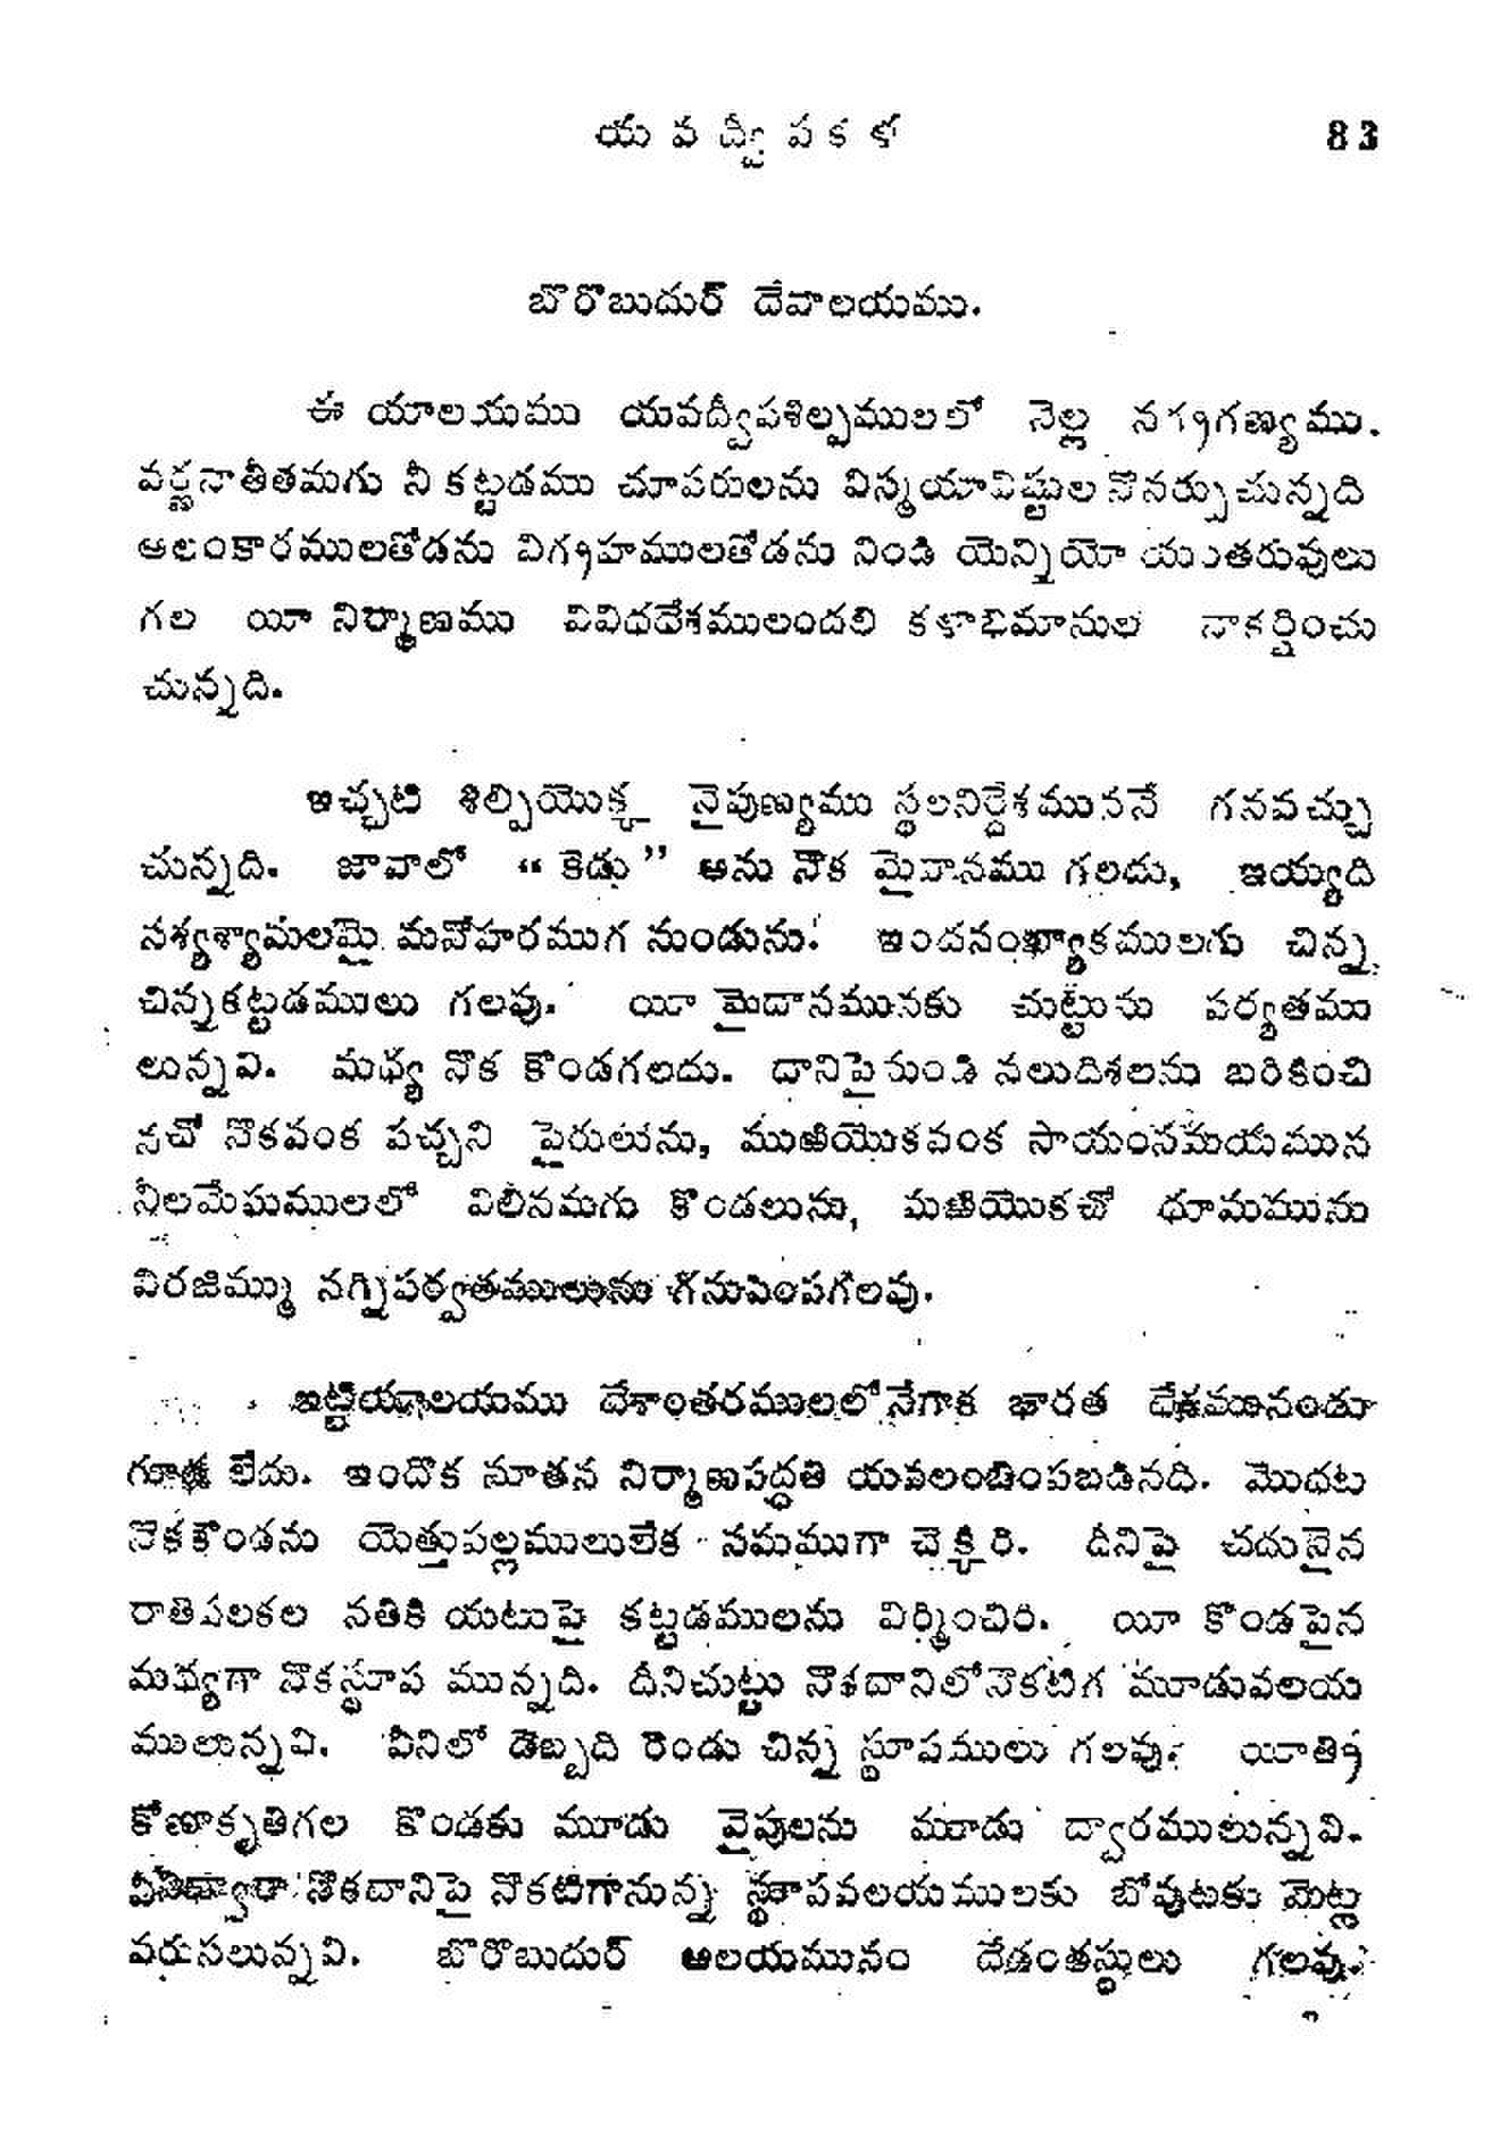ఈ యాలయము యవద్వీపశిల్పములలో నెల్ల నగ్రగణ్యము. వర్ణనాతీతమగు నీ కట్టడము చూపరులను విస్మయావిష్టుల నొనర్పుచున్నది. అలంకారములతోడను విగ్రహములతోడను నిండి యెన్నియో యంతరువులు గల యీ నిర్మాణము వివిధదేశములందలి కళాభిమానుల నాకర్షించు చున్నది.

ఇచ్చటి శిల్పియొక్క నైపుణ్యము స్థలనిర్దేశముననే గనవచ్చుచున్నది. జావాలో "కెడు" అను నొక మైదానము గలదు. ఇయ్యది సశ్యశ్యామలమై మనోహరముగ నుండును. ఇందసంఖ్యాకములగు చిన్న చిన్నకట్టడములు గలవు. యీ మైదానమునకు చుట్టును పర్వతములున్నవి. మధ్య నొక కొండగలదు. దానిపైనుండి నలుదిశలను బరికించినచో నొకవంక పచ్చని పైరులును, మఱియొకవంక సాయంసమయమున నీలమేఘములలో విలీనమగు కొండలును, మఱియొకచో ధూమమును విరజిమ్ము నగ్నిపర్వతములును గనుపింపగలవు.

ఇట్టియాలయము దేశాంతరములలోనేగాక భారత దేశమునందు గూడ లేదు. ఇందొక నూతన నిర్మాణపద్దతి యవలంబింపబడినది. మొదట నొకకొండను యెత్తుపల్లములులేక సమముగా చెక్కిరి. దీనిపై చదునైన రాతిపలకల నతికి యటుపై కట్టడములను నిర్మించిరి. యీ కొండపైన మధ్యగా నొకస్థూప మున్నది. దీనిచుట్టు నొకదానిలోనొకటిగ మూడువలయములున్నవి. వీనిలో డెబ్బది రెండు చిన్న స్థూపములు గలవు. యీత్రికోణాకృతిగల కొండకు మూడు వైపులను మూడు ద్వారములున్నవి. వీనిద్వారా నొకదానిపై నొకటిగానున్న స్థూపవలయములకు బోవుటకు మెట్లవరుసలున్నవి. బొరొబుదుర్ ఆలయమునం దేడంతస్థులు గలవు.